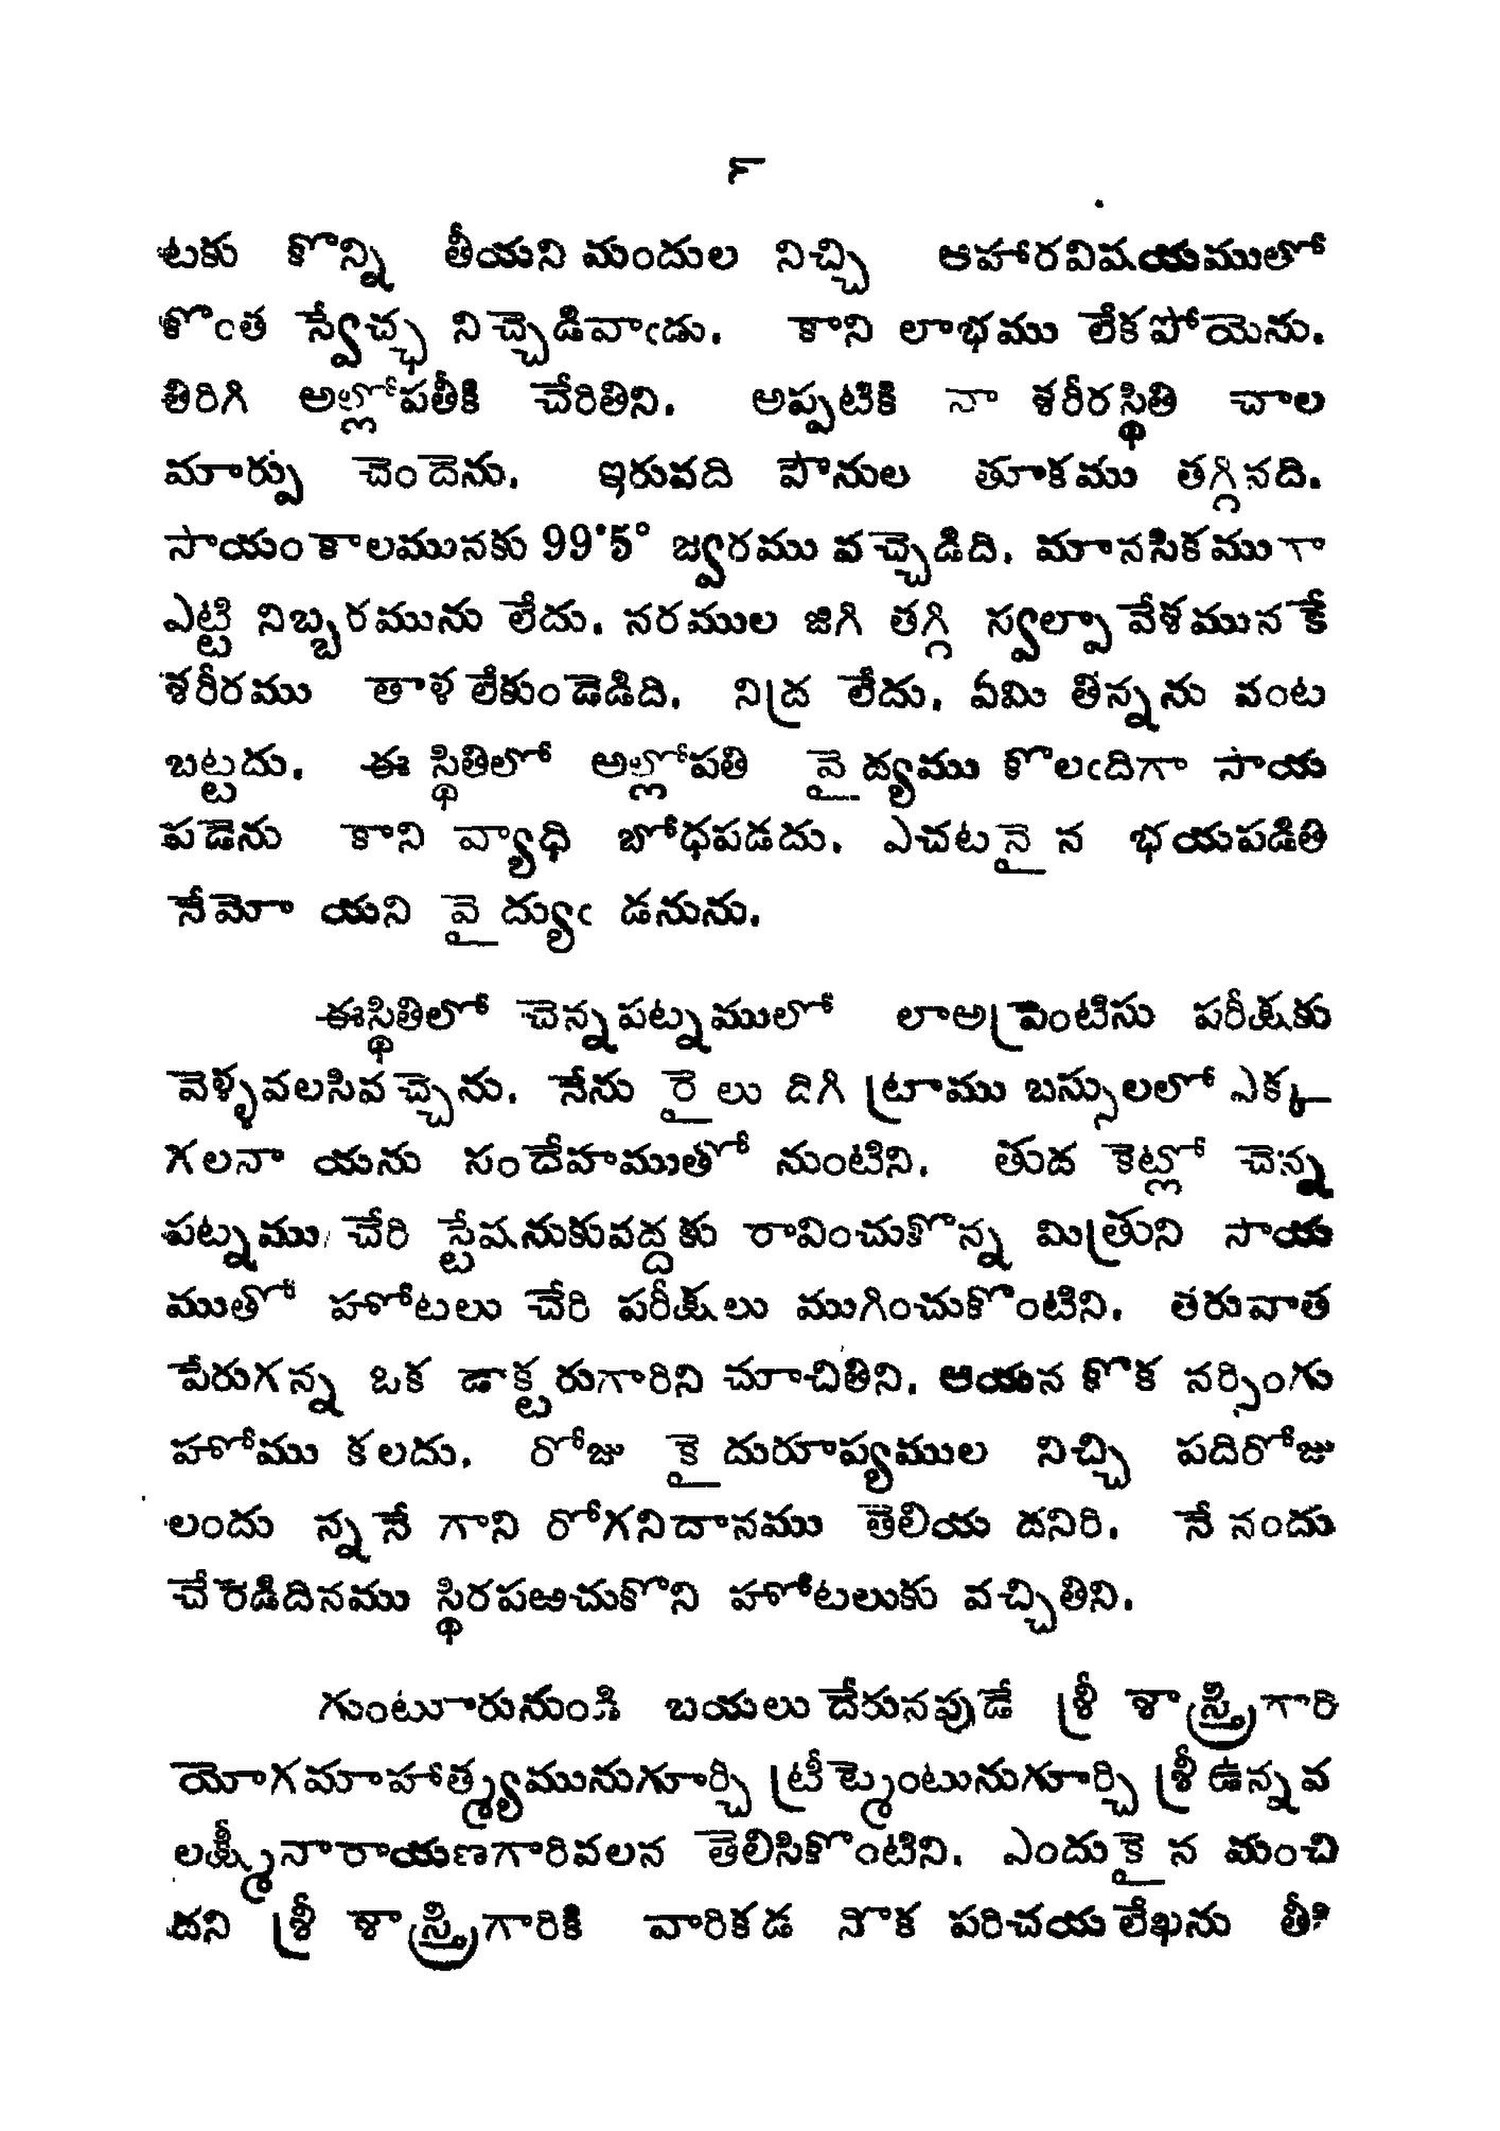టకు కొన్ని తీయని మందుల నిచ్చి ఆహారవిషయములో కొంత స్వేచ్చ నిచ్చెడివాఁడు. కాని లాభము లేకపోయెను. తిరిగి అల్లో పతీకి చేరితిని. అప్పటికి నా శరీరస్థితి చాలమార్పు చెందెను. ఇరువది పౌనుల తూకము తగ్గినది. సాయంకాలమునకు 99.5 జ్వరము వచ్చెడిది. మానసికముగా ఎట్టి నిబ్బరమును లేదు. నరములు జిగి తగ్గి స్వల్పా వేసమునకే శరీరము తాళ లేకుండెడిది. నిద్ర లేదు. ఏమి తిన్నను వంట బట్టదు. ఈ స్థితిలో అల్లోపతి వైద్యము కొలఁదిగా సాయపడెను కాని వ్యాధి బోధపడ దు. ఎచటనైన భయపడతి నేమో యని వైద్యుఁ డనును.

ఈ స్థితిలో చెన్నపట్నములో లాఅప్రెంటిసు పరిక్షకు వెళ్ల వలసి వచ్చెను. నేను రైలు దిగి ట్రాము బస్సులలో ఎక్కగలనా యను సందేహముతో నుంటిని. తుద కెట్లో చెన్నపట్నము చేరి స్టేషనువద్దకు రావించుకొన్న మిత్రుని సాయముతో హొటలు చేరిపరిక్షలుగించుకొంటిని. తరువాత పేరుగన్న ఒక డాక్టరుగారిని చూచితిని. ఆయన కొక నర్సింగుహొము కలదు. రోజు కైదురూప్యముల నిచ్చి పది రోజు లందున్న నే గాని రోగనిదానము తెలియ దనిరి. నే నందు చేరెడి దినము స్థిర పఱచుకొని హొటలుకు వచ్చితిని.

గుంటూరు నుండి బయలు దేరునపుడే శ్రీ శాస్త్రిగారి యోగమాహాత్మ్యమును గూర్చి ట్రీట్మెంటును గూర్చి శ్రీ ఉన్నవ లక్ష్మీనారాయణగారి వలన తెలికొంటిని. ఎందుకైన మంచిదని శ్రీ శాస్త్రిగారికి వారికడ నొక పరిచయ లేఖను తీసి